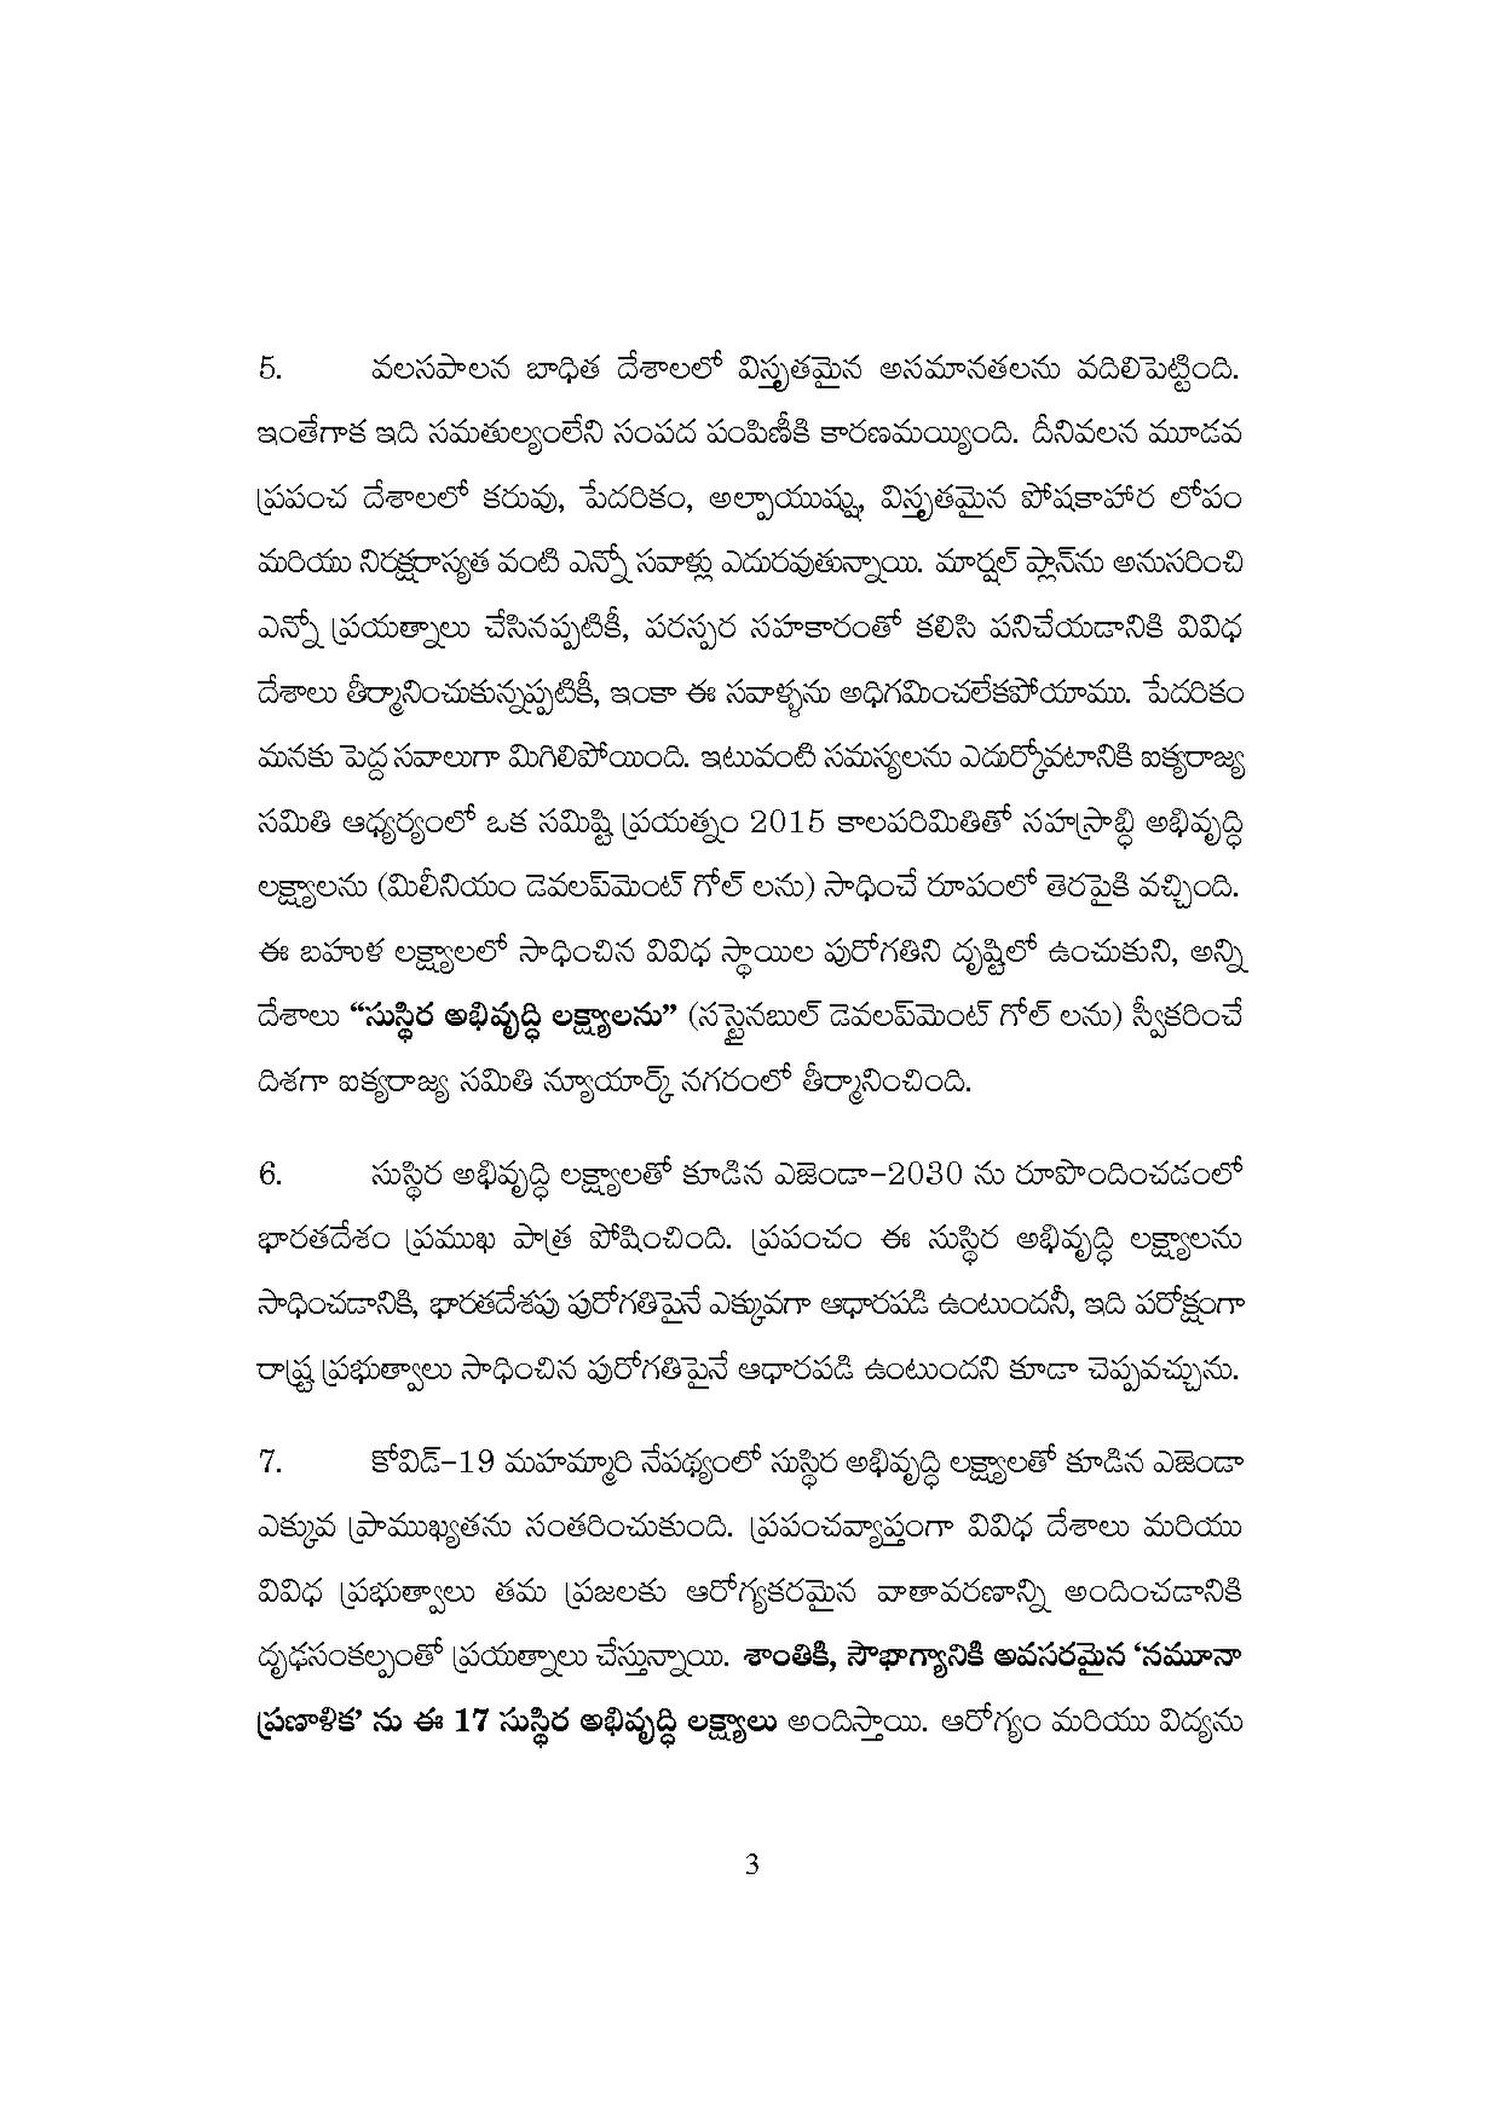5. వలసపాలన బాధిత దేశాలలో విస్తృతమైన అసమానతలను వదిలిపెట్టింది.
ఇంతేగాక ఇది సమతుల్యంలేని సంపద పంపిణీకి కారణమయ్యింది. దీనివలన మూడవ
ప్రపంచ దేశాలలో కరువు, పేదరికం, అల్పాయుష్షు, విస్తృతమైన పోషకాహార లోపం
మరియు నిరక్షరాస్యత వంటి ఎన్నో సవాళ్లు ఎదురవుతున్నాయి. మార్షల్ ప్లాన్‌ను అనుసరించి
ఎన్నో ప్రయత్నాలు చేసినప్పటికీ, పరస్పర సహకారంతో కలిసి పనిచేయడానికి వివిధ
దేశాలు తీర్మానించుకున్నప్పటికీ, ఇంకా ఈ సవాళ్ళను అధిగమించలేకపోయాము. పేదరికం
మనకు పెద్ద సవాలుగా మిగిలిపోయింది. ఇటువంటి సమస్యలను ఎదుర్కోవటానికి ఐక్యరాజ్య
సమితి ఆధ్వర్యంలో ఒక సమిష్టి ప్రయత్నం 2015 కాలపరిమితితో సహస్రాబ్ది అభివృద్ధి
లక్ష్యాలను (మిలీనియం డెవలప్ మెంట్ గోల్ లను) సాధించే రూపంలో తెరపైకి వచ్చింది.
ఈ బహుళ లక్ష్యాలలో సాధించిన వివిధ స్థాయిల పురోగతిని దృష్టిలో ఉంచుకుని, అన్ని
దేశాలు "సుస్థిర అభివృద్ధి లక్ష్యాలను” (సస్టైనబుల్ డెవలప్ మెంట్ గోల్ లను) స్వీకరించే
దిశగా ఐక్యరాజ్య సమితి న్యూయార్క్ నగరంలో తీర్మానించింది.

6. సుస్థిర అభివృద్ధి లక్ష్యాలతో కూడిన ఎజెండా-2030 ను రూపొందించడంలో
భారతదేశం ప్రముఖ పాత్ర పోషించింది. ప్రపంచం ఈ సుస్థిర అభివృద్ధి లక్ష్యాలను
సాధించడానికి, భారతదేశపు పరోగతిపైనే ఎక్కువగా ఆధారపడి ఉంటుందనీ, ఇది పరోక్షంగా
రాష్ట్ర ప్రభుత్వాలు సాధించిన పురోగతిపైనే ఆధారపడి ఉంటుందని కూడా చెప్పవచ్చును.

7. కోవిడ్-19 మహమ్మారి నేపథ్యంలో సుస్థిర అభివృద్ధి లక్ష్యాలతో కూడిన ఎజెండా
ఎక్కువ ప్రాముఖ్యతను సంతరించుకుంది. ప్రపంచవ్యాప్తంగా వివిధ దేశాలు మరియు
వివిధ ప్రభుత్వాలు తమ ప్రజలకు ఆరోగ్యకరమైన వాతావరణాన్ని అందించడానికి
దృఢసంకల్పంతో ప్రయత్నాలు చేస్తున్నాయి. శాంతికి, సౌభాగ్యానికి అవసరమైన 'నమూనా ప్రణాళిక' ను ఈ 17 సుస్థిర అభివృద్ధి లక్ష్యాలు అందిస్తాయి. ఆరోగ్యం మరియు విద్యను